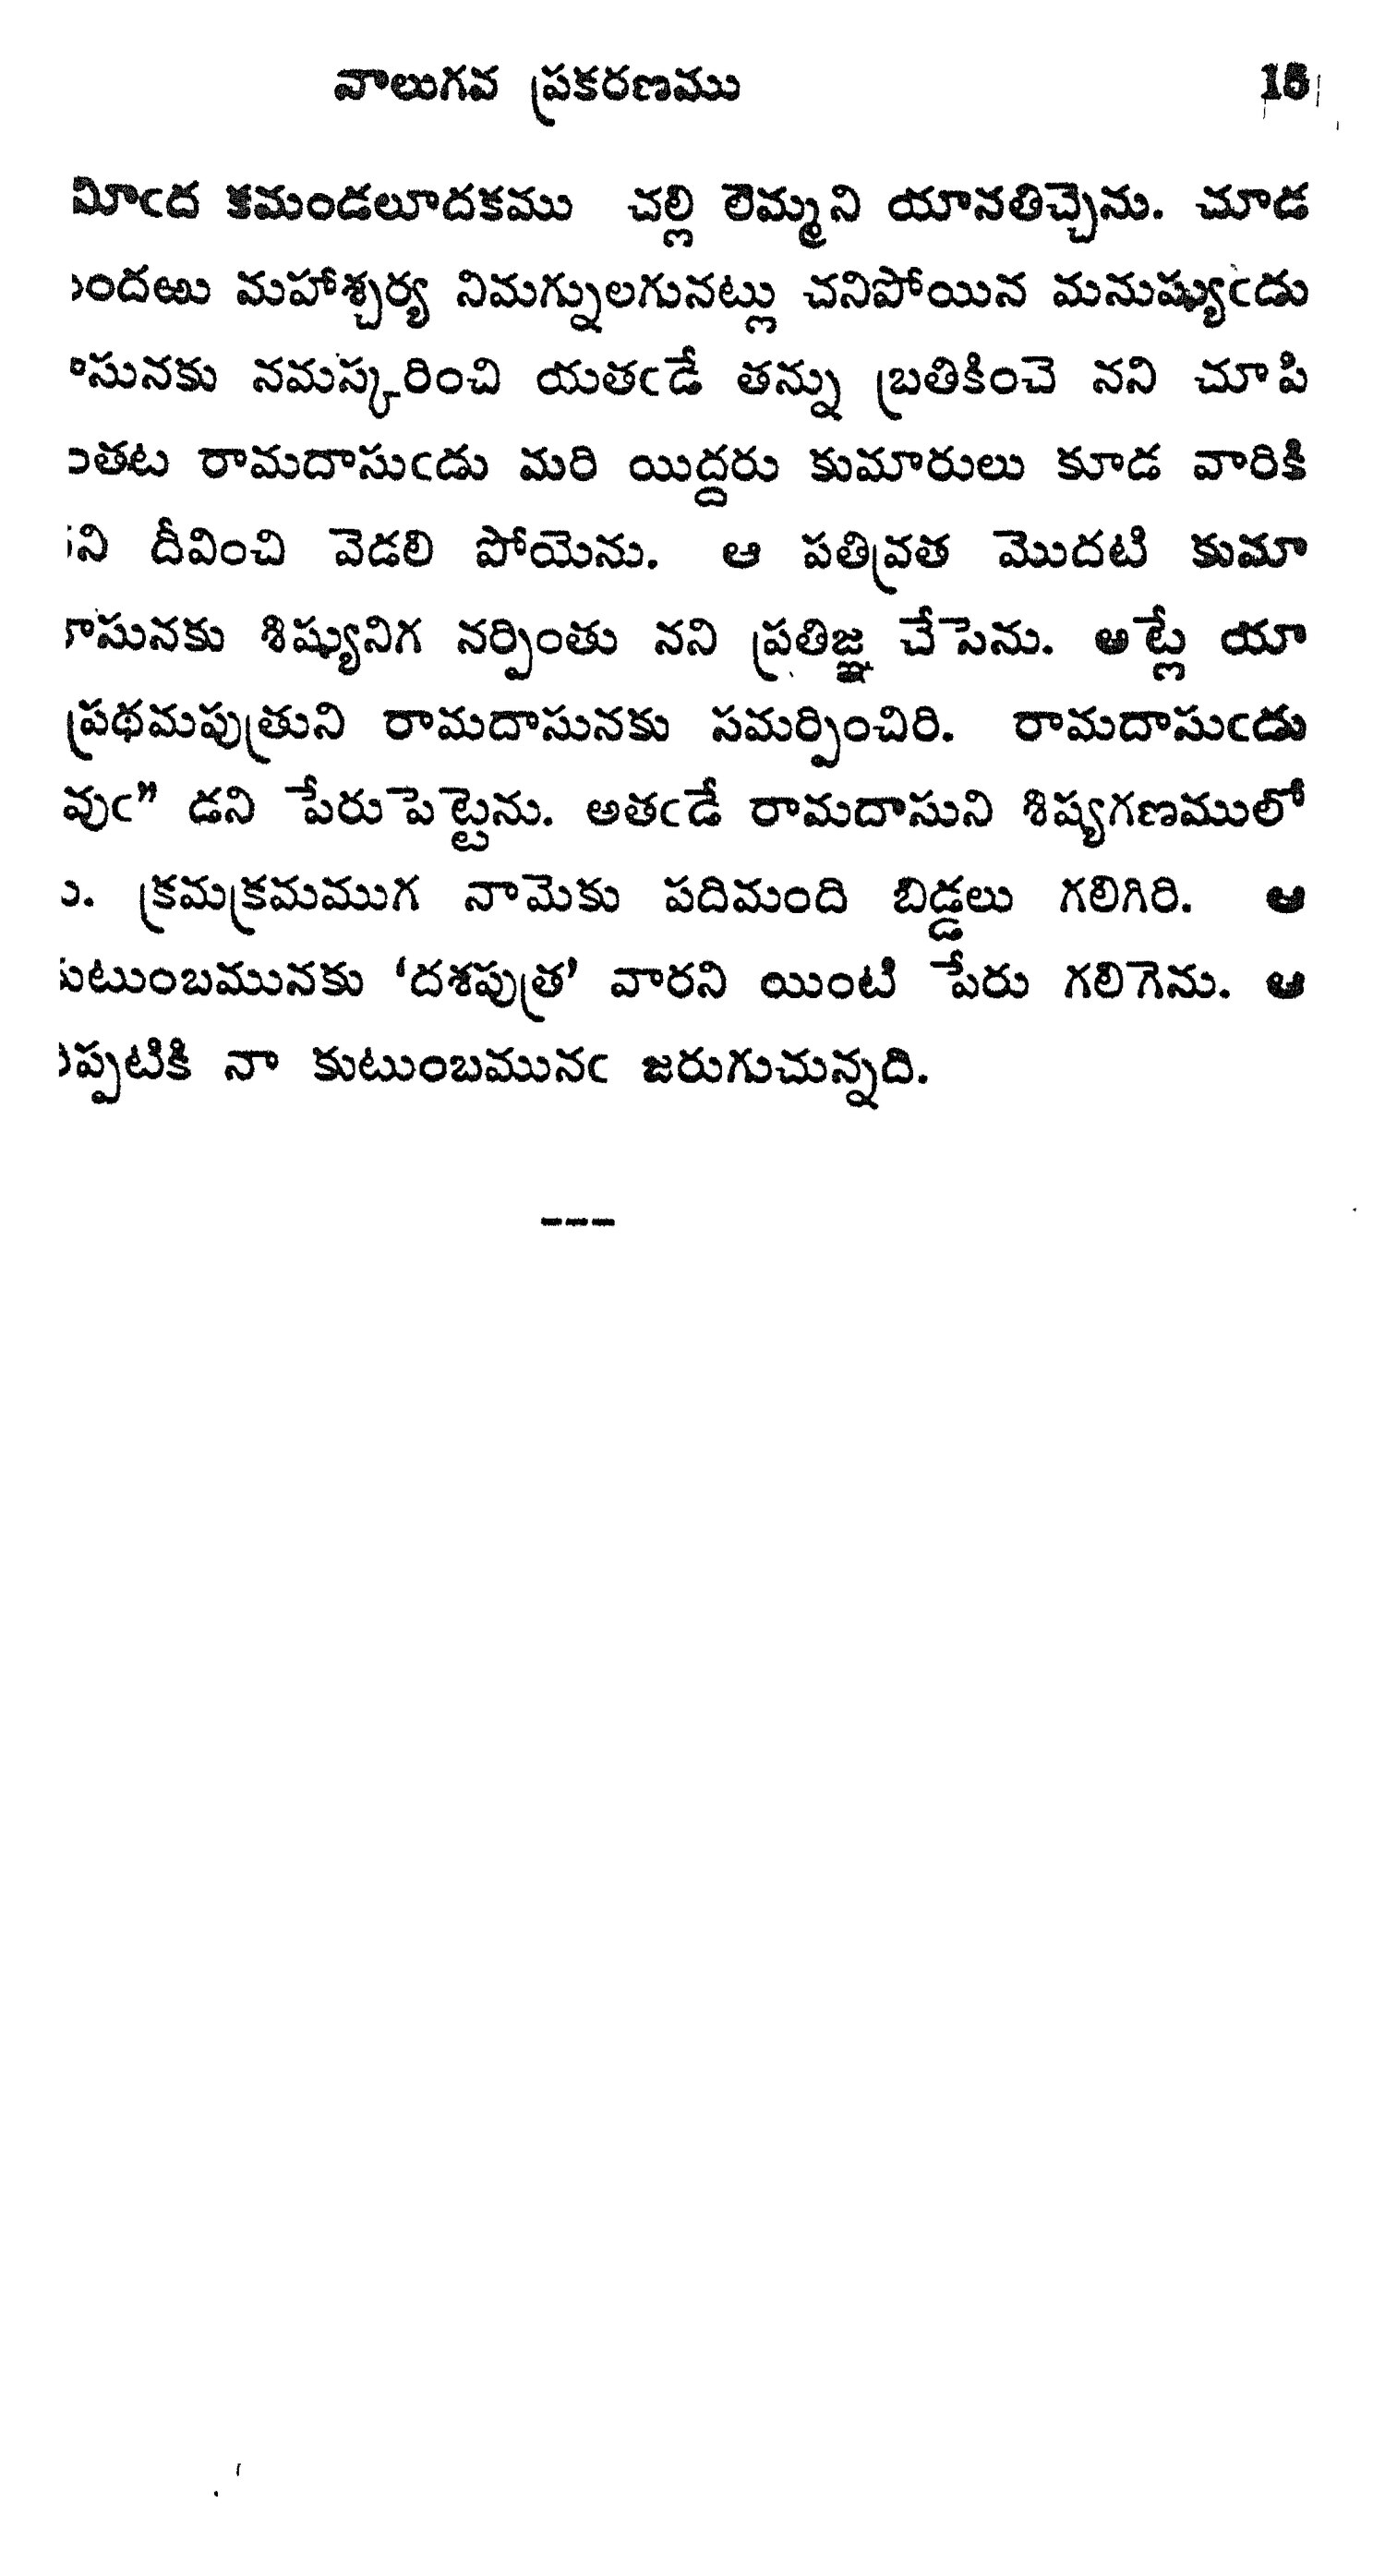---మీద కమండలూదకము చల్లి లెమ్మని యానతిచ్చెను. చూడ---దఱు మహాశ్చర్య నిమగ్నులగునట్లు చనిపోయిన మనుష్యుడు రామదాసునకు నమస్కరించి యతడే తన్ను బ్రతికించె నని చూపి---తట రామదాసుడు మరి యుద్దరు కుమారులు కూడ వారికి--- దీవించి వెడలి పోయెను. ఆ పతివ్రత మొదటి కుమా---దాసునకు శిష్యునిగ నర్పింతు నని ప్రతిజ్ఞ చేసెను. అట్లే యా---ప్రథమపుత్రుని రామదాసునకు సమర్పించిరి. రామదాసుడు---వు" డని పేరుపెట్టెను. అతడే రామదాసుని శిష్యగణములో----. క్రమక్రమముగ నామెకు పదిమంది బిడ్డలు గలిగిరి. ఆ---కుటుంబమునకు 'దశపుత్ర' వారని యింటి పేరు గలిగెను. ఆ---ప్పటికి నా కుటుంబమున జరుగుచున్నది.

_______